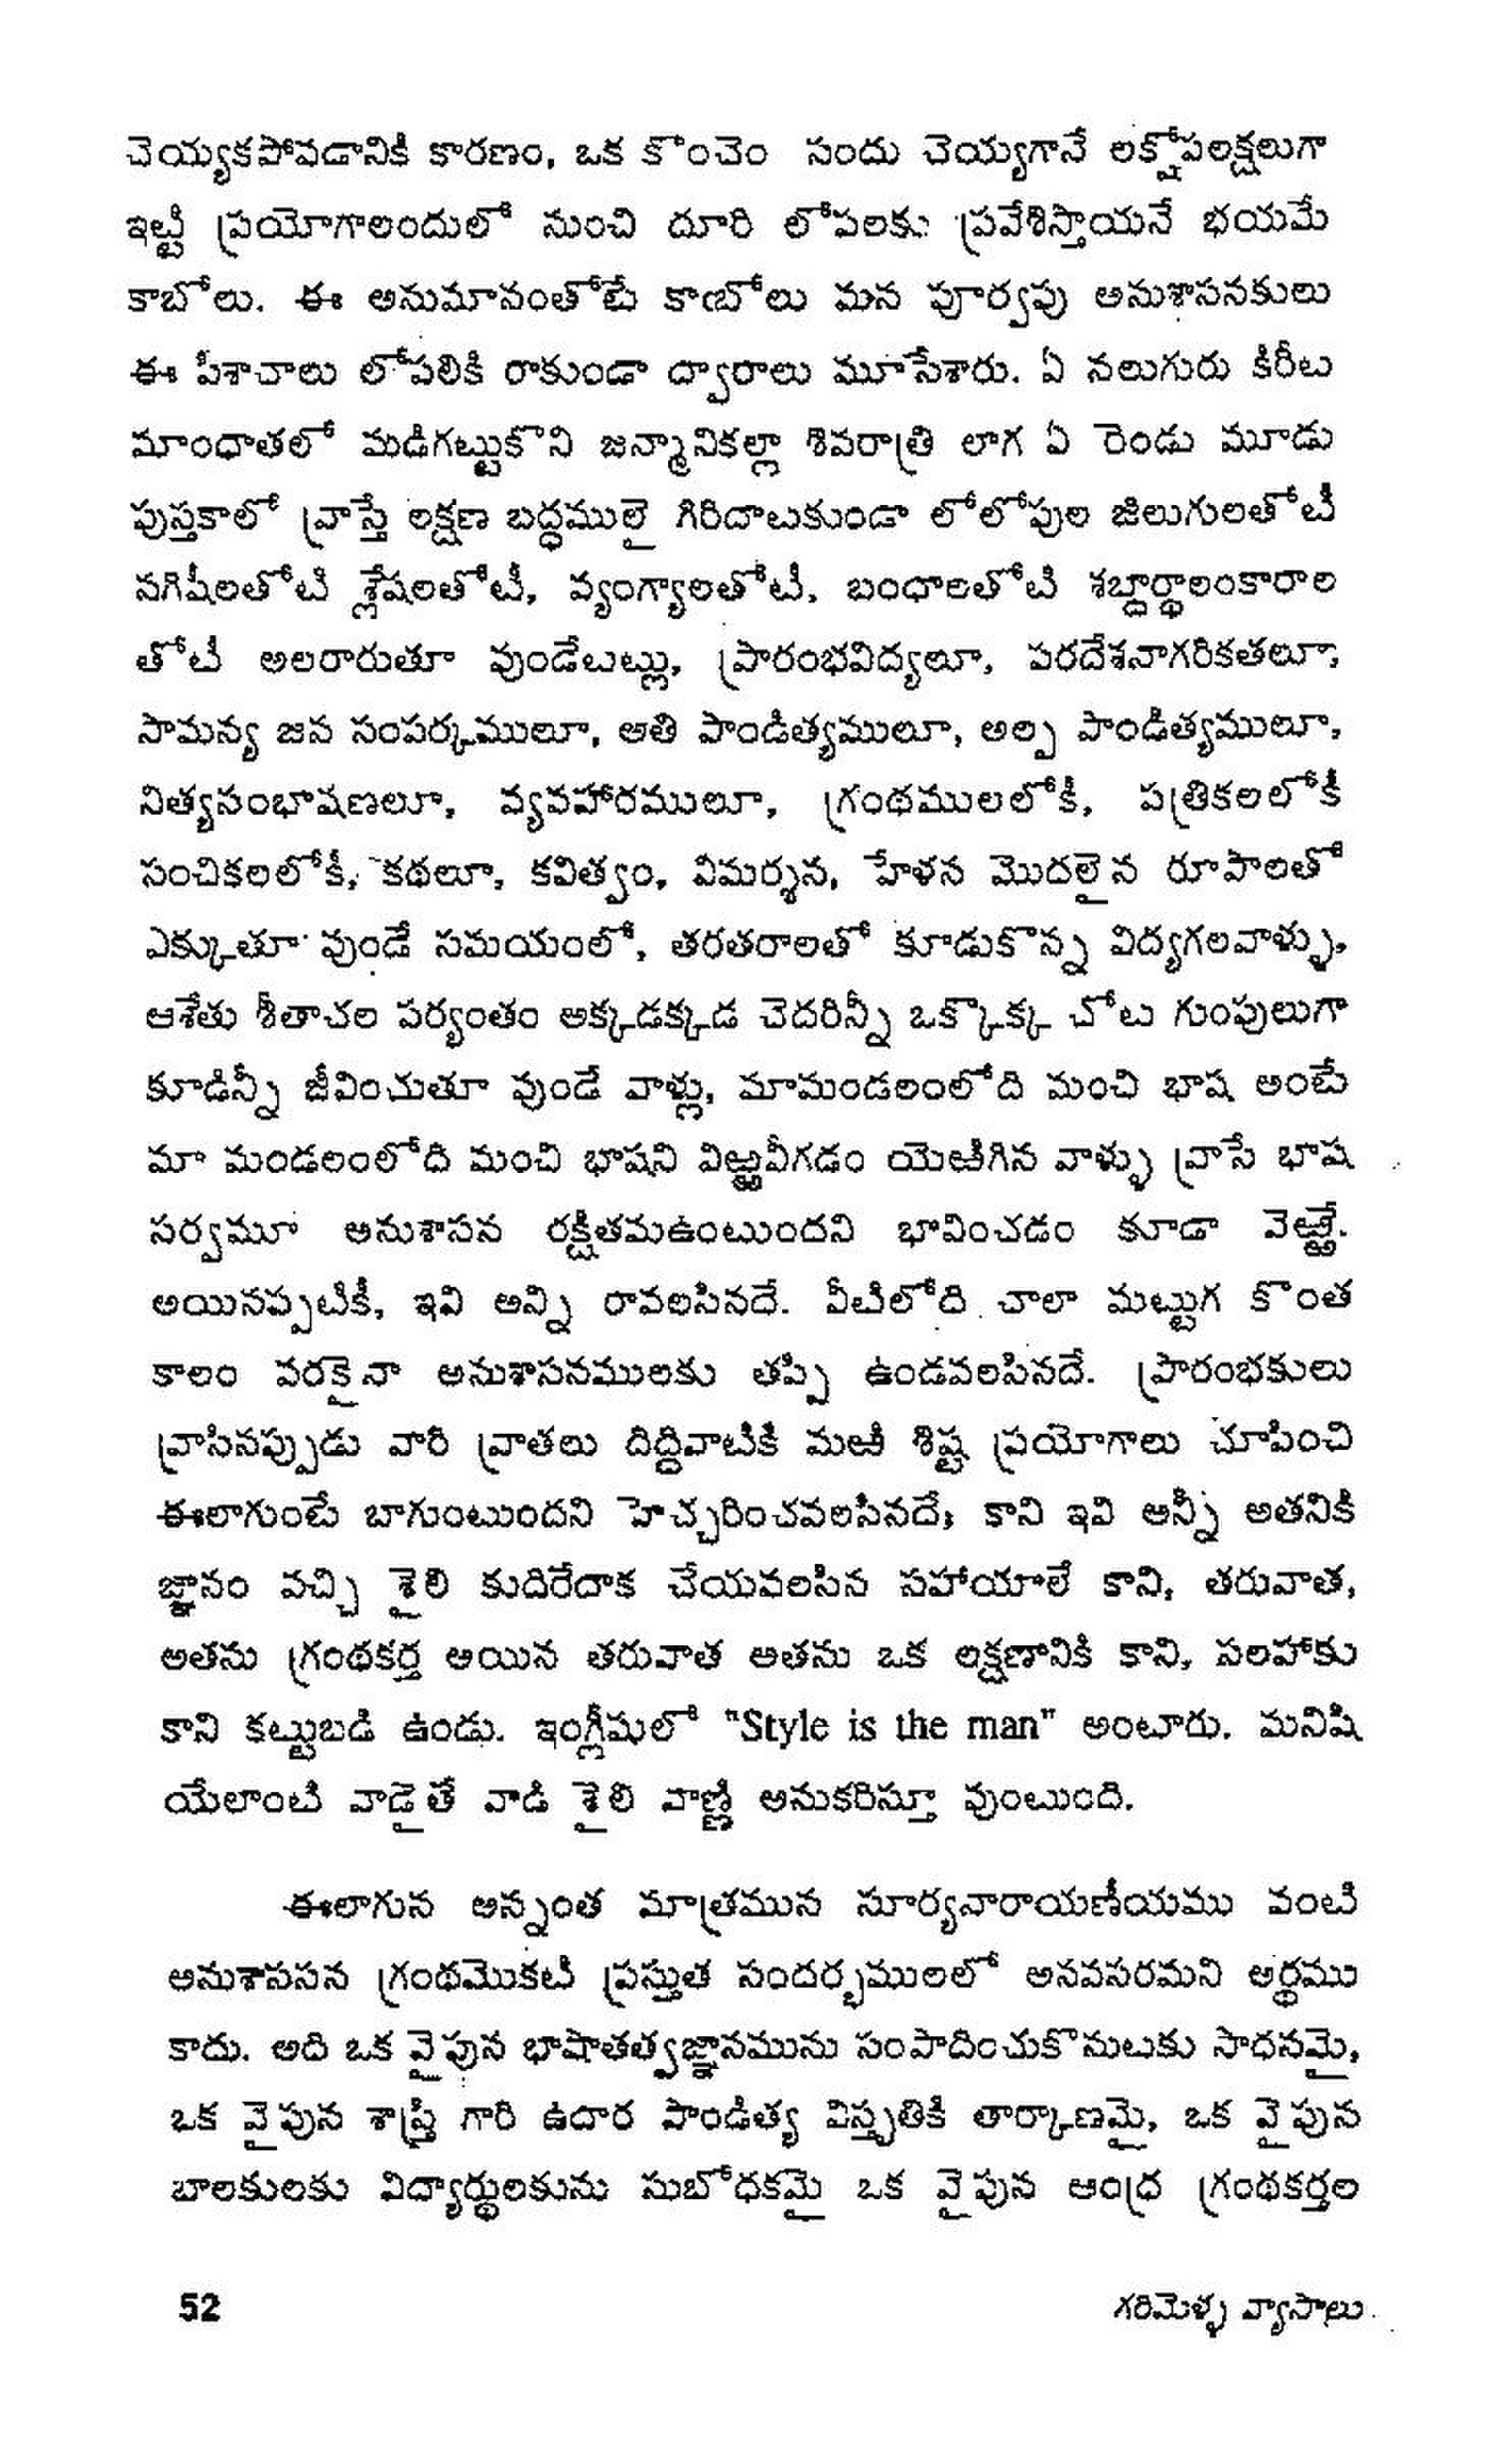చెయ్యకపోవడానికి కారణం. ఒక కొంచెం సందు చెయ్యగానే లక్షోపలక్షలుగా ఇట్టి ప్రయోగాలందులో నుంచి దూరి లోపలకు ప్రవేశిస్తాయనే భయమే కాబోలు. ఈ అనుమానంతోటే కాఁబోలు మన పూర్వపు అనుశాసనకులు ఈ పిశాచాలు లోపలికి రాకుండా ద్వారాలు మూసేశారు. ఏ నలుగురు కిరీట మాంధాతలో మడిగట్టుకొని జన్మానికల్లా శివరాత్రి లాగ ఏ రెండు మూడు పుస్తకాలో వ్రాస్తే లక్షణ బద్ధములై గిరిదాటకుండా లోలోపుల జిలుగులతోటీ నగిషీలతోటి శ్లేషలతోటి, వ్యంగ్యాలతోటి, బంధాలతోటి శబ్దార్థాలంకారాల తోటి అలరారుతూ వుండేటట్లు, ప్రారంభవిద్యలూ, పరదేశనాగరికతలూ, సామాన్య జన సంపర్కములూ, అతి పాండిత్యములూ, అల్ప పాండిత్యములూ, నిత్యసంభాషణలూ, వ్యవహారములూ, గ్రంథములలోకి, పత్రికలలోకి సంచికలలోకి, కథలూ, కవిత్వం, విమర్శన, హేళన మొదలైన రూపాలతో ఎక్కుతూ వుండే సమయంలో, తరతరాలతో కూడుకొన్న విద్యగలవాళ్ళు, ఆశేతు శీతాచలం పర్యంతం అక్కడక్కడ చెదరిన్నీ ఒక్కొక్క చోట గుంపులుగా కూడిన్నీ జీవించుతూ వుండే వాళ్లు, మామండలంలోది మంచి భాష, అంటే మా మండలంలోది మంచి భాషని విఱ్ఱవీగడం యెఱిగిన వాళ్ళు వ్రాసే భాష సర్వమూ అనుశాసన రక్షితమఉంటుందని భావించడం కూడా వెఱ్ఱే. అయినప్పటికీ, ఇవి అన్ని రావలసినదే. వీటిలోది చాలా మట్టుగ కొంతకాలం వరకైనా అనుశాసనములకు తప్పి ఉండవలసినదే. ప్రారంభకులు వాసినప్పుడు వారి వ్రాతలు దిద్దివాటికి మఱి శిష్ట ప్రయోగాలు చూపించి ఈలాగుంటే బాగుంటుందని హెచ్చరించవలసినదే, కాని ఇవి అన్నీ అతనికి జ్ఞానం వచ్చి శైలి కుదిరేదాక చేయవలసిన సహాయాలే కాని, తరువాత, అతను గ్రంథకర్త అయిన తరువాత అతను ఒక లక్షణానికి కాని, సలహాకుకాని కట్టుబడి ఉండు. ఇంగ్లీషులో "Style is the man" అంటారు. మనిషి యేలాంటి వాడైతే వాడి శైలి వాణ్ణి అనుకరిస్తూ వుంటుంది.

ఈలాగున అన్నంత మాత్రమున సూర్యనారాయణీయము వంటి అనుశాసన గ్రంథమొకటి ప్రస్తుత సందర్భములలో అనవసరమని అర్థము కాదు. అది ఒకవైపున భాషాతత్వజ్ఞానమును సంపాదించుకొనుటకు సాధనమై, ఒక వైపున శాస్త్రి గారి ఉదార పాండిత్య విస్తృతికి తార్కాణమై, ఒక వైపున బాలకులకు విద్యార్ధు లకును సుబోధకమై ఒక వైపున ఆంధ్ర గ్రంధకర్తల